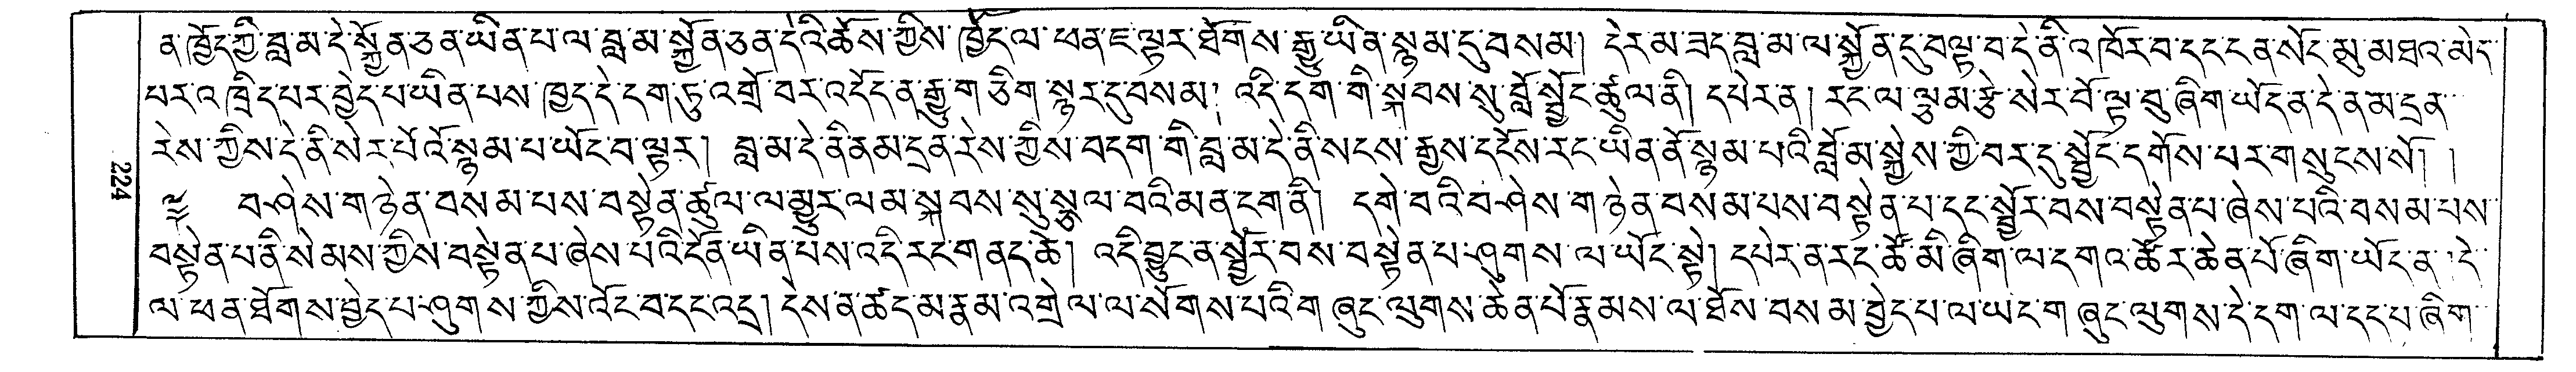ན་ཁྱོང་ཀྱི་བླ་མ་དེ་སྐྱོན་ཅན་ཡིན་བ་ལ་བླ་མ་སྐྱོན་ཅན་དེའི་ཆོས་ཀྱིས་ཁྱོད་ལ་ཕན་ཇི་ལྟར་ཐོགས་རྒྱུ་ཡིན་སྙམ་དུ་བསམ། དེར་མ་ཟད་བླ་མ་ལ་སྐྱོན་དུ་བལྟ་བ་དེ་ནི་འཁོར་བ་དང་ངན་སོང་མུ་མཐའ་མེད་
པར་འཁྲིད་པར་བྱེད་པ་ཡིན་པས་ཁྱོད་དེ་དག་ཏུ་འགྲོ་བར་འདོད་ན་རྒྱུག་ཅིག་སྙམ་དུ་བསམ། འདི་དག་གི་སྐབས་སུ་བློ་སྦྱོང་ཚུལ་ནི། དཔེར་ན། རང་ལ་ལྕམ་རྩེ་སེར་བོ་ལྟ་བུ་ཞིག་ཡོད་ན་དེ་ནམ་དྲན་
རེས་ཀྱིས་དེ་ནི་སེར་པོའོ་སྙམ་པ་ཡོང་བ་ལྟར། བླ་མ་དེ་ནི་ནམ་དྲན་རེས་ཀྱིས་བདག་གི་བླ་མ་དེ་ནི་སངས་རྒྱས་དངོས་རང་ཡིན་ནོ་སྙམ་བའི་བློ་མ་སྐྱེས་ཀྱི་བར་དུ་སྦྱོང་དགོས་པར་གསུངས་སོ། །
༈ བཤེས་གཉེན་བསམ་པས་བསྟེན་ཚུལ་ལ་མྱུར་ལམ་སྐབས་སུ་སྩལ་བའི་མན་ངག་ནི། དགེ་བའི་བཤེས་གཉེན་བསམ་བས་བསྟེན་པ་དང་སྦྱོར་བས་བསྟེན་པ་ཞེས་བའི་བསམ་བས་
བསྟེན་པ་ནི་སེམས་ཀྱིས་བསྟེན་པ་ཞེས་པའི་དོན་ཡིན་པས་འདི་རང་གནང་ཆེ། འདི་བྱུང་ན་སྦྱོར་བས་བསྟེན་པ་ཤུགས་ལ་ཡོང་སྟེ། དབེར་ན་རང་ཚོ་མི་ཞིག་ལ་དགའ་ཚོར་ཆེན་པོ་ཞིག་ཡོད་ན། དེ་
ལ་ཕན་ཐོགས་བྱེད་པ་ཤུགས་ཀྱིས་འོང་བ་དང་འདྲ། དེས་ན་ཚད་མ་རྣམ་འགྲེལ་ལ་སོགས་པའི་གཞུང་ལུགས་ཆེན་པོ་རྣམས་ལ་ཐོས་བསམ་བྱེད་པ་ལ་ཡང་གཞུང་ལུགས་དེ་དག་ལ་དང་པ་ཞིག་